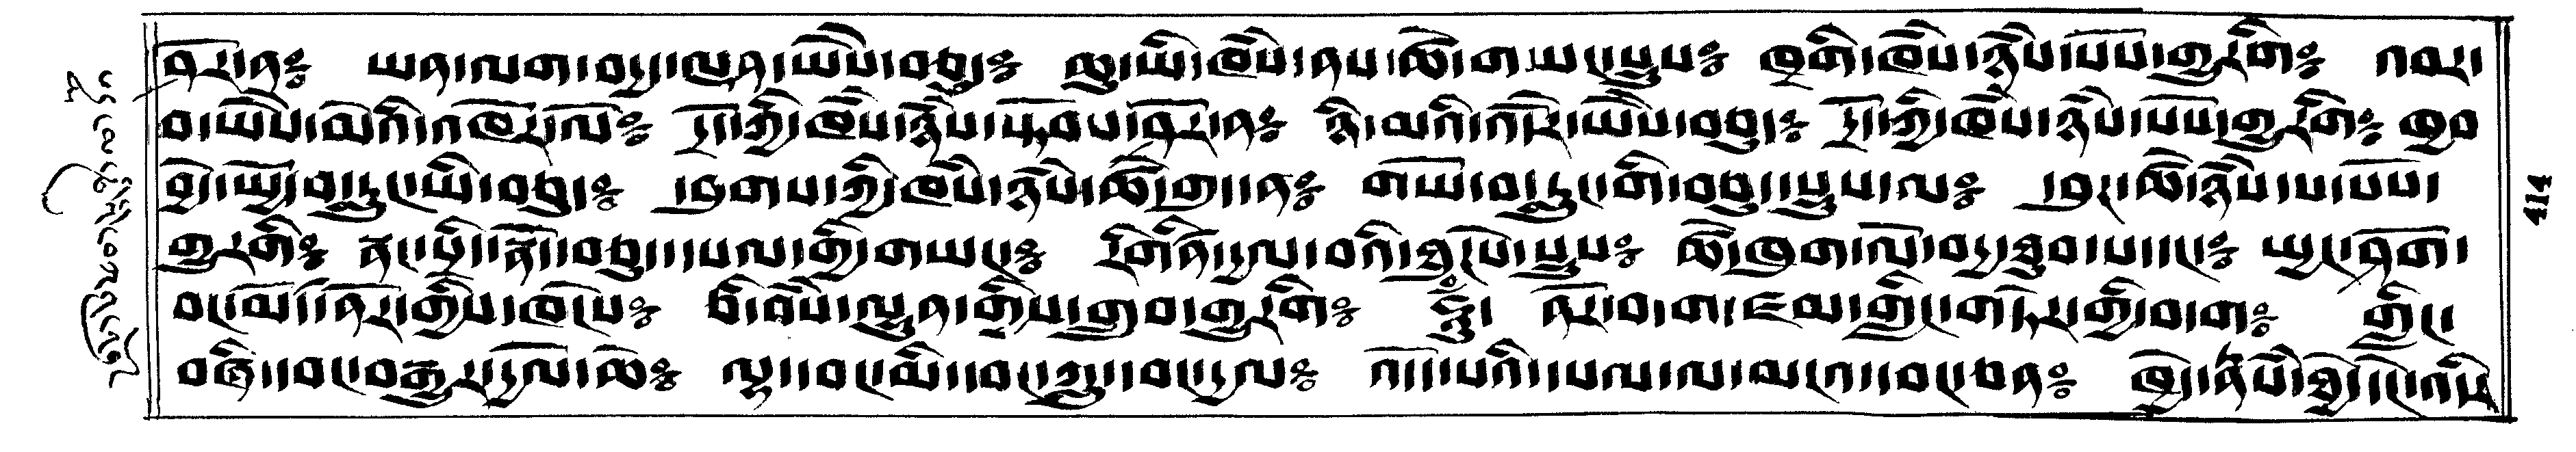ཤོར་ན༔ ཡན་ལག་བརྒྱད་ལྡན་ཡེ་ཤེས་བཅུད༔ ཆུ་ཡི་ཁམས་ནས་ཚེ་གཡང་སྡུས༔ ཁྲག་གི་ཁམས་ཉམས་སོས་གྱུར་ཅིག༔ འབར་
བ་ཡེ་ཤེས་མེའི་འཁོར་ལོ༔ དྲོད་ཀྱི་ཁམས་ཉམས་སྟོབས་ཤོར་ན༔ ཉི་མའི་འོད་ཟེར་ཡེ་ཤེས་བཅུད༔ དྲོད་ཀྱི་ཁམས་ཉམས་སོས་གྱུར་ཅིག༔ ཁྱབ་
བྱེད་གཡོ་བ་རླུང་གི་བཅུད༔དབུགས་ཀྱི་ཁམས་ཉམས་ཚེ་གུད་ན༔ གཡོ་བ་རླུང་གི་བཅུད་སྡུས་ལ༔ དབུགས་ཚེ་ཉམས་པ་སོས་
གྱུར་ཅིག༔ སྣང་སྲིད་སྣོད་བཅུད་དཔལ་གྱི་གཡང༔ རིག་འཛིན་རྒྱལ་བའི་ཐུགས་རྗེ་སྡུས༔ ཚེ་ཁུག་ལོ་བརྒྱ་ཐུབ་པ་དང༔ གཡང་ཤོག་
བང་མཛོད་ནོར་གྱིས་ཁེངས༔ ཅི་བསམ་ལྷུན་གྱིས་འགྲུབ་གྱུར་ཅིག༔ ཧཱུྃ༔ ནོར་བདག་འཛམ་གླིང་གཏེར་གྱི་བདག༔ གླིང་
བཞི་དབང་བསྒྱུར་རྒྱལ་པོ་ཆེ༔ ལྷ་དབང་མི་དབང་ཀླུ་དབང་རྒྱལ༔ འདོད་པའི་དཔལ་ལ་མངའ་དབང་ཅན༔ ཁྱེད་རྣམས་ཐུགས་རྗེ་དེང་འདིར་